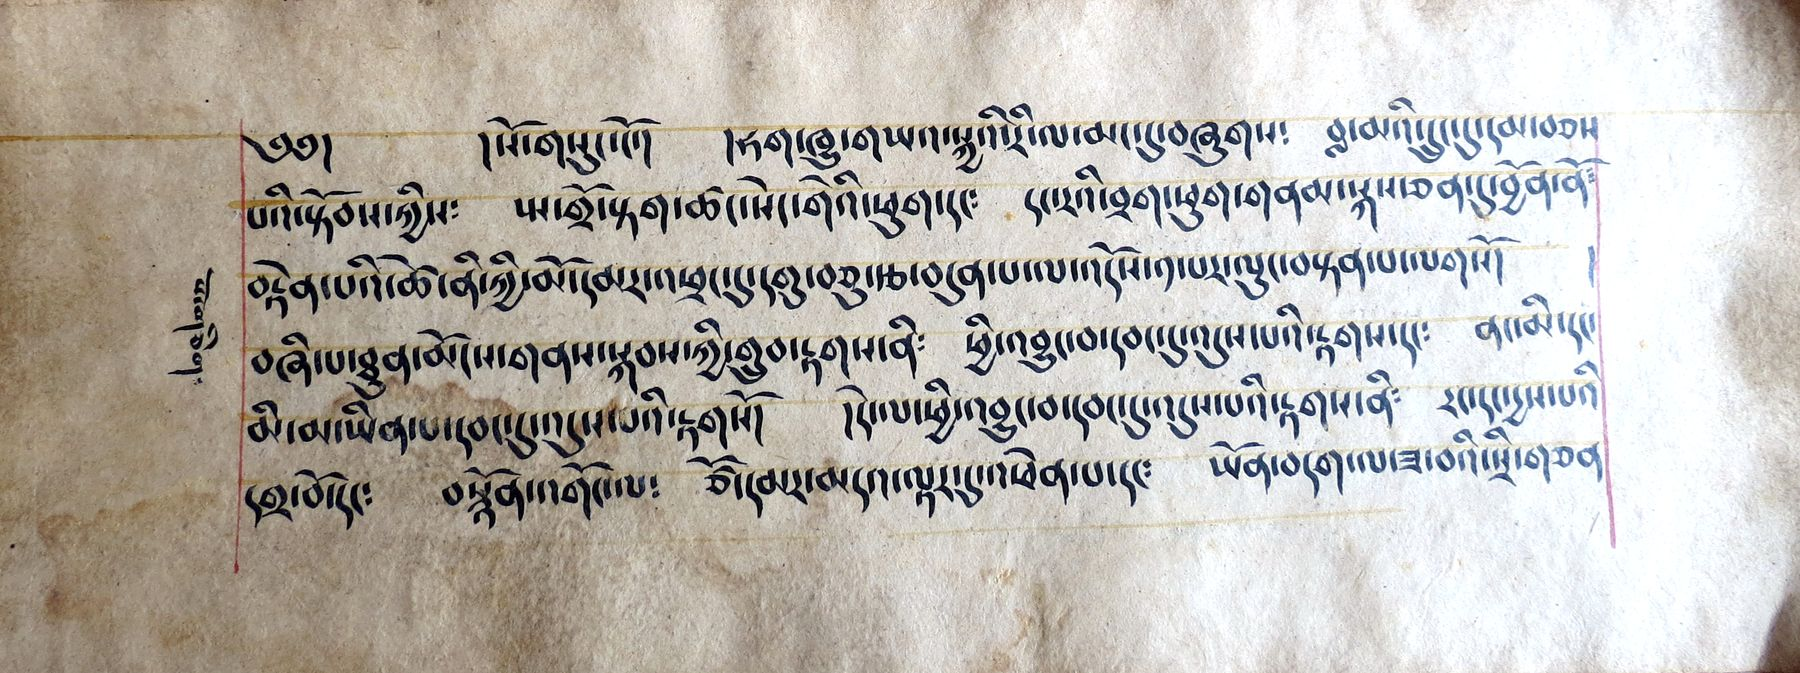སོ་གསུངས། ཧག་ཁྱི་གཡའ་སྐྱིའི་རི་ལ་མང་དུ་བཞུགས། བླ་མའི་དྲུང་དུ་དམ་བཅས་
པའི་སྟོབས་ཀྱིས། སྤ་གྲོ་སྟག་ཚང་སེང་གེའི་ཕུག་དང་། དང་རའི་བྲག་ཕུག་གནམ་སྐས་ཅན་དུ་བྱོན་ནོ་
བརྟེན་པའི་ཚེ་ནི། ཀྱི་མོ་༼ཁྱི་མོ༽དམར་འཕྲང་དུ་དགུ་བཅུ་རྩ་བདུན་པ་ལ་འདོས་ཅིག་པར་ལུང་བསྟན་པ་ལགས་སོ། །
བཞི་པ་ཐུན་མོང་གནས་སྐབས་ཀྱི་གྲུབ་རྟགས་ནི། ཕྱི་ཡི་འབྱུང་བ་དབང་དུ་འདུས་པའི་རྟགས་དང་། ནང་མི་དང་
མི་མ་ཡིན་པ་དབང་དུ་འདུས་པའི་རྟགས་སོ། །དེ་ལ་ཕྱི་འབྱུང་བ་དབང་དུ་འདུས་པའི་རྟགས་ནི། རང་དང་གྲས་པའི་
དགྲ་བོ་དང་སྙོན་འགོང་ལ། བཙོ་དམར་མདའ་ལྟར་དུ་འཕེན་པ་དང་། ཡོན་བདག་ལ་ཟ་བའི་སྲི་གཅན་